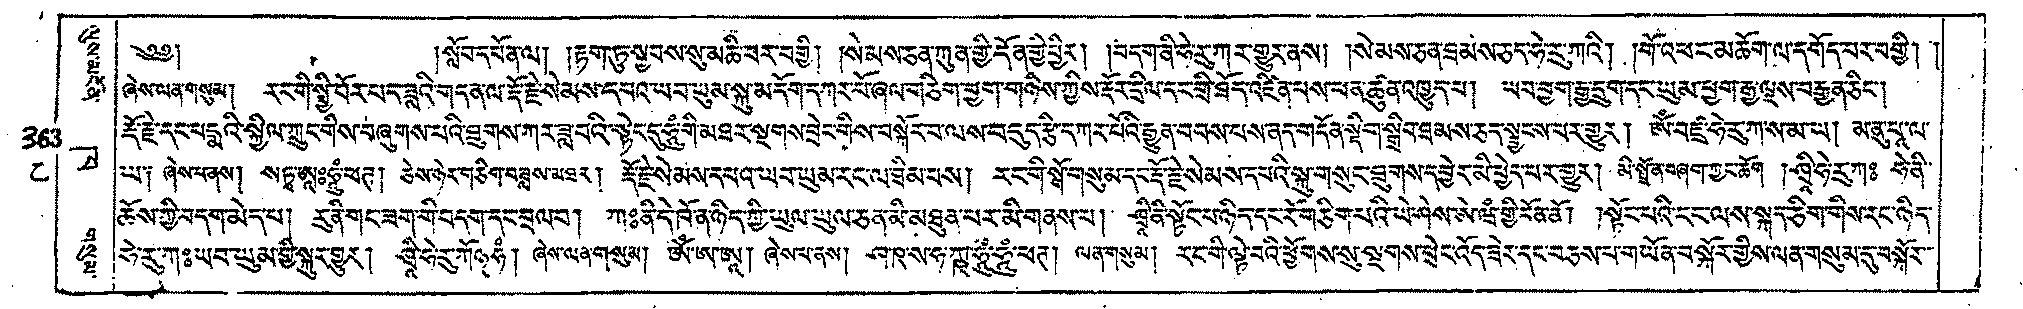༄༅། །སློབ་དཔོན་ལ། །རྟག་ཏུ་སྐྱབས་སུ་མཆི་བར་བགྱི། །སེམས་ཅན་ཀུན་གྱི་དོན་གྱི་ཕྱིར། །བདག་ནི་ཧེ་རུ་ཀར་གྱུར་ནས། །སེམས་ཅན་ཐམས་ཅད་ཧེ་རུ་ཀའི། །གོ་འཕང་མཆོག་ལ་དགོད་པར་བགྱི། །
ཞེས་ལན་གསུམ།  རང་གི་སྤྱི་བོར་པད་ཟླའི་གདན་ལ་རྡོ་རྗེ་སེམས་དཔའ་ཡབ་ཡུམ་སྐུ་མདོག་དཀར་པོ་ཞལ་གཅིག་ཕྱག་གཉིས་ཀྱིས་རྡོར་དྲིལ་དང་གྲི་ཐོད་འཛིན་པས་ཕན་ཚུན་འཁྱུད་པ། ཡབ་ཕྱག་རྒྱ་དྲུག་དང་ཡུམ་ཕྱག་རྒྱ་ལྔས་བརྒྱན་ཅིང་།
རྡོ་རྗེ་དང་པདམའི་སྐྱིལ་ཀྲུང་གིས་བཞུགས་པའི་ཐུགས་ཀར་ཟླ་བའི་སྟེང་དུ་ཧཱུཾ་གི་མཐར་སྔགས་ཕྲེང་གིས་བསྐོར་བ་ལས་བདུད་རྩི་དཀར་པོའི་རྒྱུན་བབས་པས་ནད་གདོན་སྡིག་སྒྲིབ་ཐམས་ཅད་སྦྱངས་པར་གྱུར། ཨོཾ་བཛྲ་ཧེ་རུ་ཀ་ས་མ་ཡ། མ་ནུ་པཱ་ལ་
ཡ༑ ཞེས་པ་ནས།  སཏྭ་ཨཱཿཧཱུཾ་ཕཊ། ཅེས་ཉེར་གཅིག་བཟླས་མཐར།  རྡོ་རྗེ་སེམས་དཔའ་ཡབ་ཡུམ་རང་ལ་ཐིམ་པས། རང་གི་སྒོ་གསུམ་དང་རྡོ་རྗེ་སེམས་དཔའི་སྐུ་གསུང་ཐུགས་དབྱེར་མི་ཕྱེད་པར་གྱུར། མི་སྤྲོ་ན་བཞག་ཀྱང་ཆོག་།ཤྲཱི་ཧེ་རུ་ཀཿཧེ་ནི་་་
ཆོས་ཀྱི་བདག་མེད་པ། རུ་ནི་གང་ཟག་གི་བདག་དང་བྲལ་བ། ཀཿནི་དེ་ཁོ་ན་ཉིད་ཀྱི་ཡུལ་ཡུལ་ཅན་མི་མཐུན་པར་མི་གནས་པ། ཤྲཱི་ནི་སྟོང་པ་ཉིད་དང་རོ་གཅིག་པའི་ཡེ་ཤེས་ཨེ་ཝཾ་གྱི་དོན་ནོ། །སྟོང་པའི་ངང་ལས་སྐད་ཅིག་གིས་རང་ཉིད་
ཧེ་རུ་ཀཿཡབ་ཡུམ་གྱི་སྐུར་གྱུར། ཤྲཱི་ཧེ་རུ་ཀོཉཧཾ། ཞེས་ལན་གསུམ།  ཨོཾ་ཨ་ཨཱ། ཞེས་པ་ནས།  ཤ་ཥ་ས་ཧ་ཀྵ་ཧཱུཾ་ཧཱུཾ་ཕཊ། ལན་གསུམ།  རང་གི་ལྟེ་བའི་ཕྱོགས་སུ་སྔགས་ཕྲེང་འོད་ཟེར་དང་བཅས་པ་གཡོན་བསྐོར་གྱིས་ལན་གསུམ་དུ་བསྐོར་་་